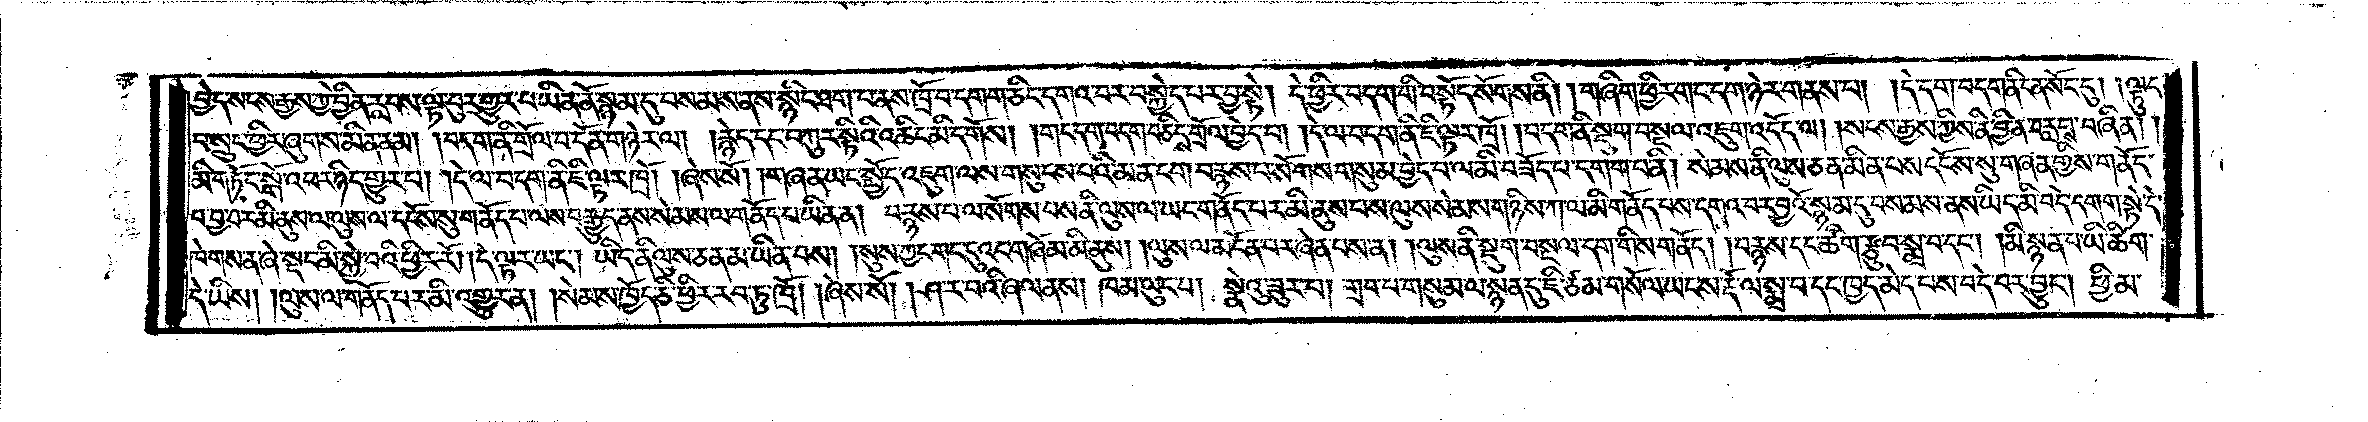བྱེད་སངས་རྒྱས་ཀྱི་བྱིན་རླབས་ལྟ་བུར་གྱུར་པ་ཡིན་ནོ་སྙམ་དུ་བསམས་ནས་སྙིང་ཐག་པ་ནས་ཁྲོ་བ་དགག་ཅིང་དགའ་བར་བསྐྱེད་པ་བྱ་སྟེ། དེ་ཕྱིར་བདག་གི་བསྟོད་སོགས་ནི། །གཞིག་ཕྱིར་གང་དག་ཉེར་གནས་པ། །དེ་དག་བདག་ནི་ངན་སོང་དུ། །ལྟུང་
བསྲུང་ཕྱིར་ཞུགས་མིན་ནམ། །བདག་ནི་གྲོལ་བ་དོན་གཉེར་ལ། །རྙེད་དང་བཀུར་སྟིའི་འཆིང་མི་དགོས། །གང་དག་བདག་བཅིངས་གྲོལ་བྱེད་པ། །དེ་ལ་བདག་ནི་ཇི་ལྟར་ཁྲོ། །བདག་ནི་སྡུག་བསྔལ་འཇུག་འདོད་ལ། །སངས་རྒྱས་ཀྱིས་ནི་བྱིན་བརླབས་བཞིན། །
མི་གཏོང་སྒོ་འཕར་ཉིད་གྱུར་པ། །དེ་ལ་བདག་ནི་ཇི་ལྟར་ཁྲོ། །ཞེས་སོ། །གཞན་ཡང་སྤྱོད་འཇུག་ལས་གསུངས་པའི་མན་ངག་བརྙས་བ་སོགས་གསུམ་བྱེད་པ་ལ་མི་བཟོད་པ་དགག་བ་ནི། སེམས་ནི་ལུས་ཅན་མིན་པས་དངོས་སུ་གཞན་གྱིས་གནོད་
བ་བྱ་བར་མི་ནུས་ལ་ལུས་ལ་དངོས་སུ་གནོད་པ་ལས་བརྒྱུད་ནས་སེམས་ལ་གནོད་པ་ཡིན་ན། བརྙས་པ་ལ་སོགས་པས་ནི་ལུས་ལ་ཡང་གནོད་པར་མི་ནུས་པས་ལུས་སེམས་གཉིས་ཀ་ལ་མི་གནོད་པས་དགའ་བར་བྱའོ་སྙམ་དུ་བསམས་ནས་ཡིད་མི་བདེ་དགག་སྟེ་དེ་
ཁེགས་ན་ཞེ་སྡང་མི་སྐྱེ་བའི་ཕྱིར་རོ། །དེ་ལྟར་ཡང་། །ཡིད་ནི་ལུས་ཅན་མ་ཡིན་པས། །སུས་ཀྱང་གང་དུའང་གཞོམ་མི་ནུས། །ལུས་ལ་མངོན་བར་ཞེན་བས་ན། །ལུས་ནི་སྡུག་བསྔལ་དག་གིས་གནོད། །བརྙས་དང་ཚིག་རྩུབ་སྨྲ་བ་དང་། །མི་སྙན་པ་ཡི་ཚིག་
དེ་ཡིས། །ལུས་ལ་གནོད་པར་མི་འགྱུར་ན། །སེམས་ཁྱོད་ཅི་ཕྱིར་རབ་ཏུ་ཁྲོ། །ཞེས་སོ། །ཤ་ར་བའི་ཞལ་ནས། ཁམ་ལུང་པ། སྣེའུ་ཟུར་བ། གྲབ་པ་གསུམ་ལ་སྙན་དུ་ཇི་ཙམ་གསོལ་ཡོངས་རྡོ་ལ་སྨྲ་བ་དང་ཁྱད་མེད་པས་བདེ་བར་བྱུང་། ཕྱི་མ་